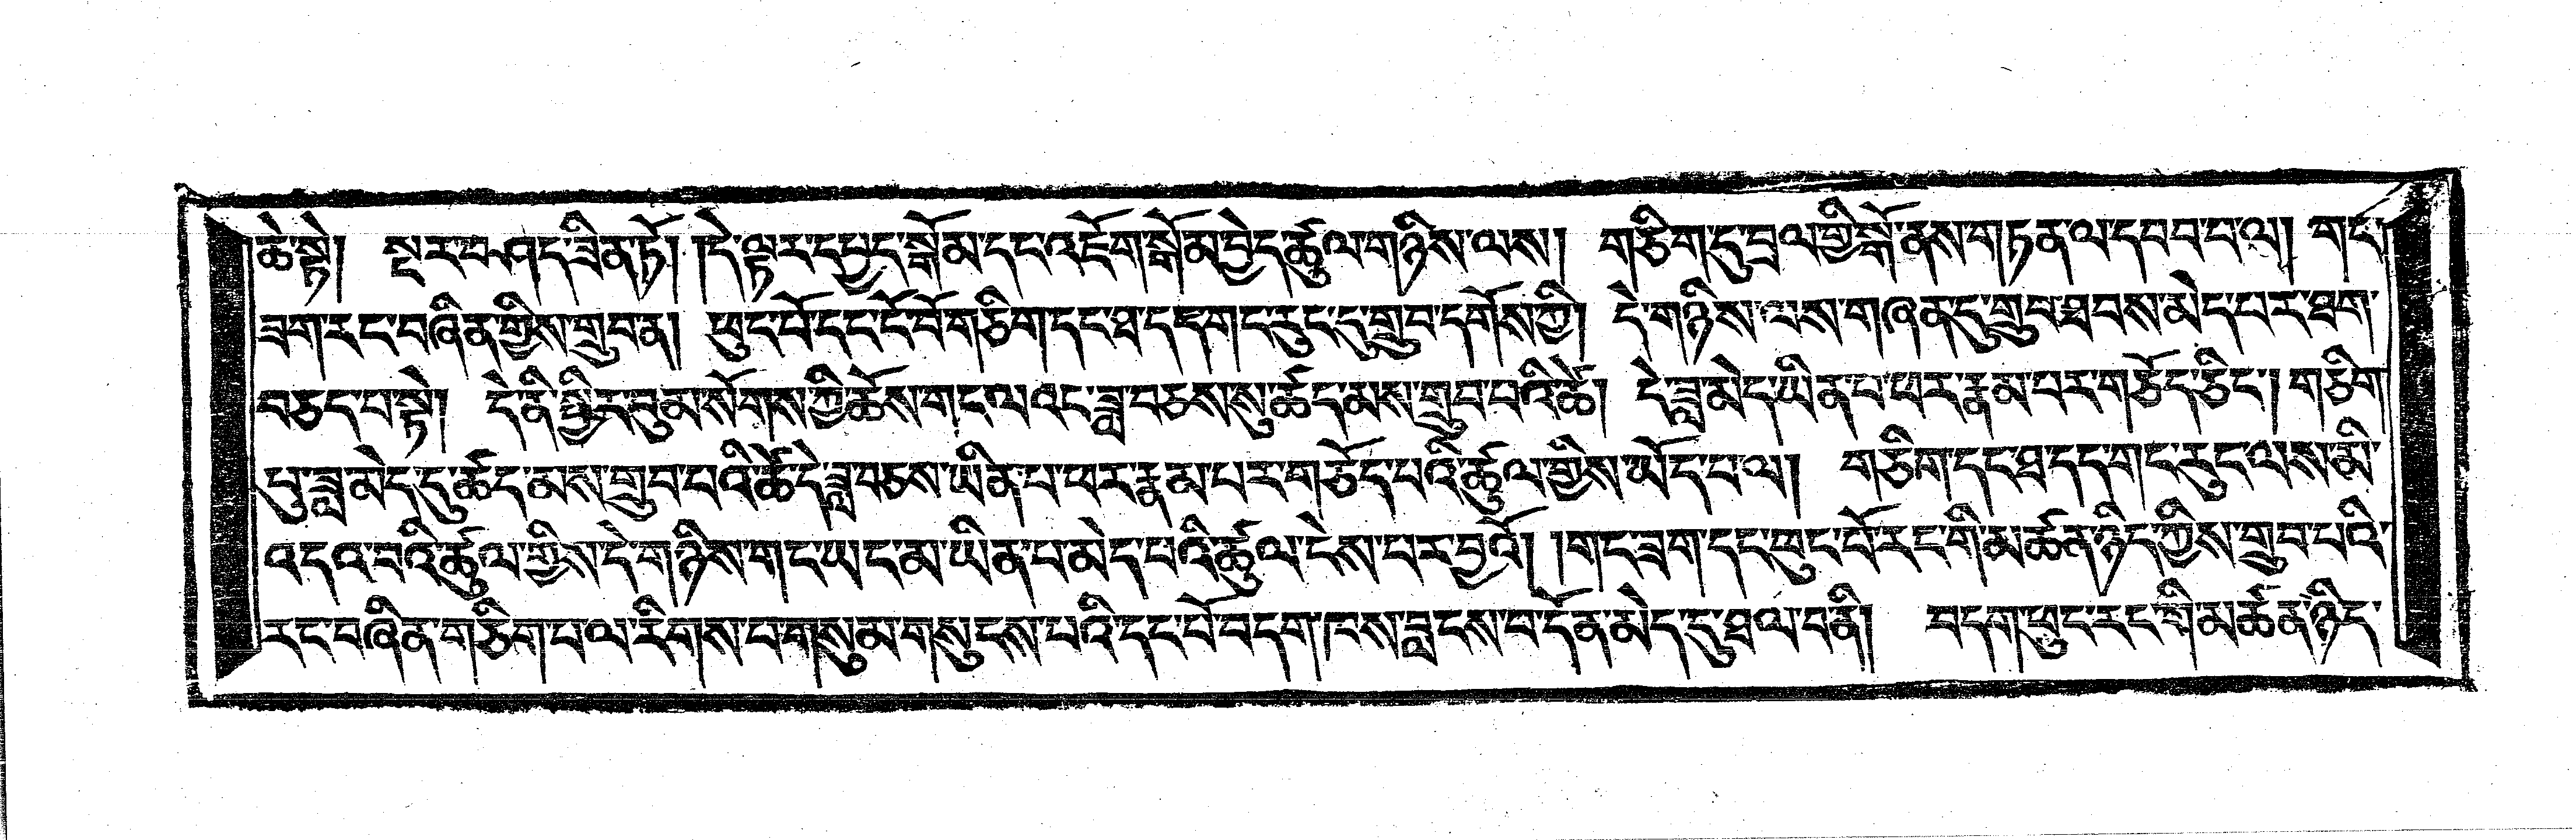ཆེ་སྟེ། སྔར་བཤད་ཟིན་ཏོ། །དེ་ལྟར་དཔྱད་སྒོམ་དང་འཇོག་སྒོམ་བྱེད་ཚུལ་གཉིས་ལས། གཅིག་དུ་བྲལ་གྱི་སྒོ་ནས་གཏན་ལ་དབབ་པ་ལ། གང་
ཟག་རང་བཞིན་གྱིས་གྲུབ་ན། ཕུང་པོ་དང་ངོ་བོ་གཅིག་དང་ཐ་དད་གང་རུང་དུ་གྲུབ་དགོས་ཀྱི། དེ་གཉིས་ལས་གཞན་དུ་གྲུབ་ཐབས་མེད་པར་ཐག་
བཅད་པ་སྟེ། དེ་ནི་སྤྱིར་བུམ་སོགས་ཀྱི་ཆོས་གང་ལའང་ཟླ་བཅས་སུ་ཚད་མས་གྲུབ་པའི་ཚེ། དེ་ཟླ་མེད་ཡིན་པ་ཕར་རྣམ་པར་གཅོད་ཅིང་། གཅིག་
པུ་ཟླ་མེད་དུ་ཚད་མས་གྲུབ་པའི་ཚེ་དེ་ཟླ་བཅས་ཡིན་པ་ཕར་རྣམ་པར་གཅོད་པའི་ཚུལ་གྱིས་ཡོད་པ་ལ། གཅིག་དང་ཐ་དད་གང་རུང་ལས་མི་
འདའ་བའི་ཚུལ་གྱིས་དེ་གཉིས་གང་ཡང་མ་ཡིན་པ་མེད་པའི་ཚུལ་ངེས་པར་བྱའོ། །གང་ཟག་དང་ཕུང་པོ་རང་གི་མཚན་ཉིད་ཀྱིས་གྲུབ་པའི་
རང་བཞིན་གཅིག་པ་ལ་རིགས་པ་གསུམ་གསུངས་པའི་དང་པོ་བདག་ཁས་བླངས་པ་དོན་མེད་དུ་ཐལ་བ་ནི། བདག་ཕུང་རང་གི་མཚན་ཉིད་